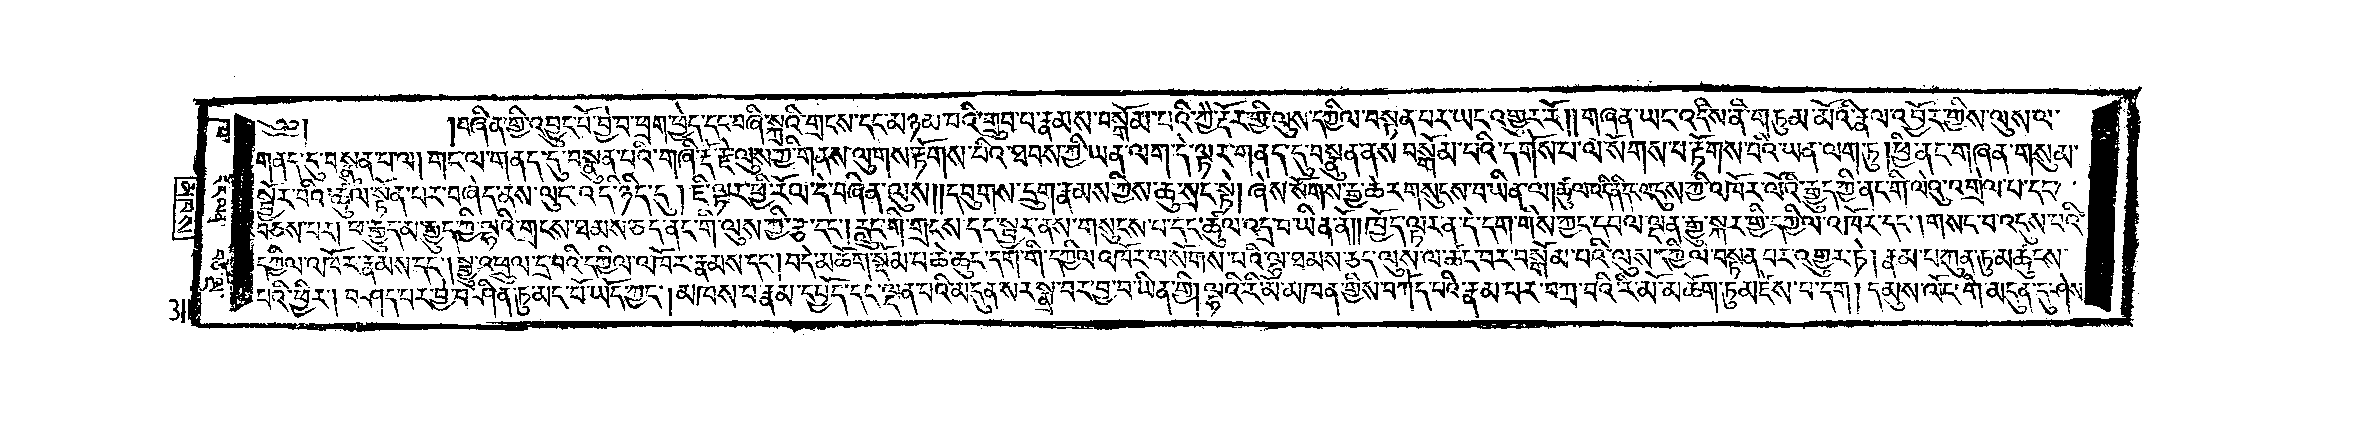༄༅། །བཞིན་གྱི་འབྱུང་པོ་བྱེ་བ་ཕྲག་ཕྱེད་དང་བཞི་སྐྲའི་གྲངས་དང་མཉམ་པའི་གྲུབ་པ་རྣམས་བསྒོམ་པའི་ཀྱཻ་རྡོར་གྱི་ལུས་དཀྱིལ་བསྟན་པར་ཡང་འགྱུར་རོ། །གཞན་ཡང་འདིས་ནི་གཏུམ་མོའི་རྣལ་འབྱོར་གྱིས་ལུས་ལ་
གནད་དུ་བསྣུན་པ་ལ། གང་ལ་གནད་དུ་བསྣུན་པའི་གཞི་རྡོ་རྗེ་ལུས་ཀྱི་གནས་ལུགས་རྟོགས་པའི་ཐབས་ཀྱི་ཡན་ལག་དེ་ལྟར་གནད་དུ་བསྣུན་ནས་བསྒོམ་པའི་དགོས་པ་ལ་སོགས་པ་རྟོགས་པའི་ཡན་ལག་ཏུ། ཕྱི་ནང་གཞན་གསུམ་
སྦྱོར་བའི་ཚུལ་སྟོན་པར་བཞེད་ནས་ལུང་འདི་ཉིད་དུ། ཇི་ལྟར་ཕྱི་རོལ་དེ་བཞིན་ལུས། །དབུགས་དྲུག་རྣམས་ཀྱིས་ཆུ་སྲང་སྟེ། ཞེས་སོགས་རྒྱ་ཆེར་གསུངས་པ་ཡིན་ལ། ཚུལ་འདི་ནི་དང་ལ་དུས་ཀྱི་འཁོར་ལོའི་རྒྱུད་ཀྱི་ནང་གི་ལེའུ་འགྲེལ་པ་དང་
བཅས་པར། ཕ་རྒྱུད་མ་རྒྱུད་ཀྱི་ལྷའི་གྲངས་ཐམས་ཅད་ནང་གི་ལུས་ཀྱི་རྩ་དང་། རླུང་གི་གྲངས་དང་སྦྱར་ནས་གསུངས་པ་དང་ཚུལ་འདྲ་བ་ཡིན་ནོ། །ཁྱོད་ལྟར་ན་དེ་དག་གིས་ཀྱང་དཔལ་ལྡན་རྒྱུ་སྐར་གྱི་དཀྱིལ་འཁོར་དང་། གསང་བ་འདུས་པའི་
དཀྱིལ་འཁོར་རྣམས་དང་། སྒྱུ་འཕྲུལ་དྲ་བའི་དཀྱིལ་འཁོར་རྣམས་དང་། བདེ་མཆོག་སྡོམ་པ་ཆེ་ཆུང་དག་གི་དཀྱིལ་འཁོར་ལ་སོགས་པའི་ལྷ་ཐམས་ཅད་ལུས་ལ་ཚང་བར་བསྒོམ་པའི་ལུས་དཀྱིལ་བསྟན་པར་འགྱུར་ཏེ། རྣམ་པ་ཀུན་ཏུ་མཚུངས་
པའི་ཕྱིར། བཤད་པར་བྱ་བ་ཤིན་ཏུ་མང་པོ་ཡོད་ཀྱང་། མཁས་པ་རྣམ་དཔྱོད་དང་ལྡན་པའི་མདུན་སར་སྨྲ་བར་བྱ་བ་ཡིན་གྱི། ལྷའི་རི་མོ་མཁན་གྱིས་བཀོད་པའི་རྣམ་པར་བཀྲ་བའི་རི་མོ་མཆོག་ཏུ་མཛེས་པ་དག །དམུས་ལོང་གི་མདུན་དུ་ཤེས་